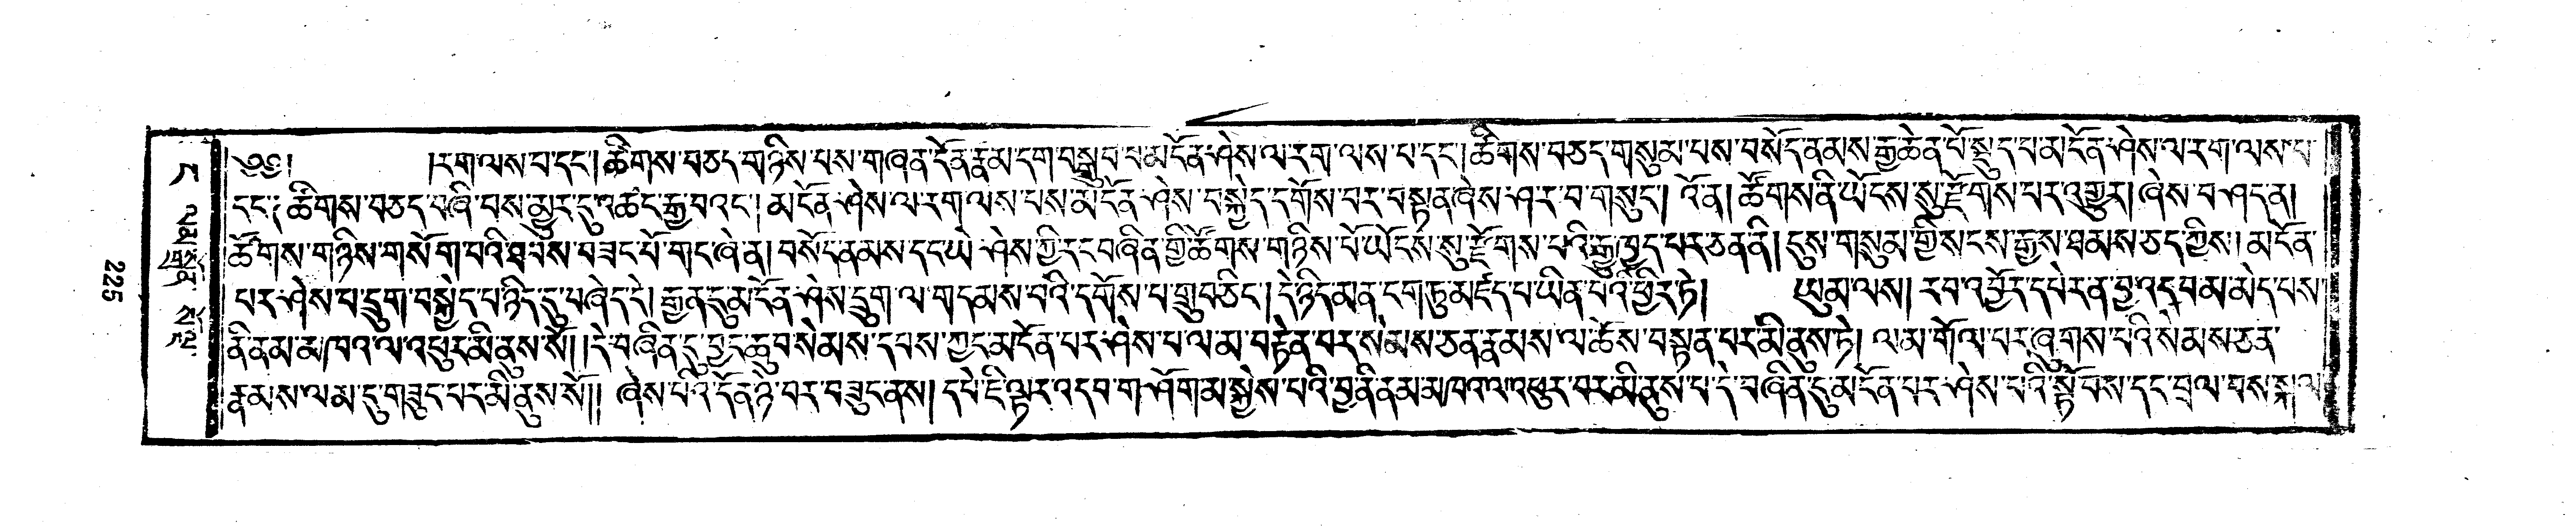༄༅། །རག་ལས་པ་དང་། ཚིགས་བཅད་གཉིས་པས་གཞན་དོན་རྣམ་དག་བསྒྲུབ་པ་མངོན་ཤེས་ལ་རག་ལས་པ་དང་། ཚིགས་བཅད་གསུམ་པས་བསོད་ནམས་རྒྱ་ཆེན་པོ་སྡུད་པ་མངོན་ཤེས་ལ་རག་ལས་པ་
དང་། ཚིགས་བཅད་བཞི་པས་མྱུར་དུ་འཚང་རྒྱ་བའང་། མངོན་ཤེས་ལ་རག་ལས་པས་མངོན་ཤེས་བསྐྱེད་དགོས་པར་བསྟན་ཞེས་ཤ་ར་བ་གསུང་། འོ་ན། ཚོགས་ནི་ཡོངས་སུ་རྫོགས་པར་འགྱུར། ཞེས་བཤད་ན།
ཚོགས་གཉིས་གསོག་པའི་ཐབས་བཟང་པོ་གང་ཞེ་ན། བསོད་ནམས་དང་ཡེ་ཤེས་ཀྱི་རང་བཞིན་གྱི་ཚོགས་གཉིས་པོ་ཡོངས་སུ་རྫོགས་པའི་རྒྱུ་ཁྱད་པར་ཅན་ནི། དུས་གསུམ་གྱི་སངས་རྒྱས་ཐམས་ཅད་ཀྱིས། མངོན་
པར་ཤེས་པ་དྲུག་བསྐྱེད་པ་ཉིད་དུ་བཞེད་དེ། རྒྱན་དུ་མངོན་ཤེས་དྲུག་ལ་གདམས་པའི་དགོས་པ་གྲུབ་ཅིང་། དེ་ཉིད་མན་ངག་ཏུ་མཛད་པ་ཡིན་པའི་ཕྱིར་ཏེ། ཡུམ་ལས། རབ་འབྱོར་དཔེར་ན་བྱ་འདབ་མ་མེད་པས་
ནི་ནམ་མཁའ་ལ་འཕུར་མི་ནུས་སོ། །དེ་བཞིན་དུ་བྱང་ཆུབ་སེམས་དཔས་ཀྱང་མངོན་པར་ཤེས་པ་ལ་མ་བརྟེན་པར་སེམས་ཅན་རྣམས་ལ་ཆོས་བསྟན་པར་མི་ནུས་ཏེ། ལམ་གོལ་པར་ཞུགས་པའི་སེམས་ཅན་
རྣམས་ལམ་དུ་གཟུང་བར་མི་ནུས་སོ། །ཞེས་པའི་དོན་ཉེ་བར་བཟུང་ནས། དཔེ་ཇི་ལྟར་འདབ་གཤོག་མ་སྐྱེས་པའི་བྱ་ནི་ནམ་མཁའ་ལ་འཕུར་བར་མི་ནུས་པ་དེ་བཞིན་དུ་མངོན་པར་ཤེས་པའི་སྟོབས་དང་བྲལ་བས་སྐལ་